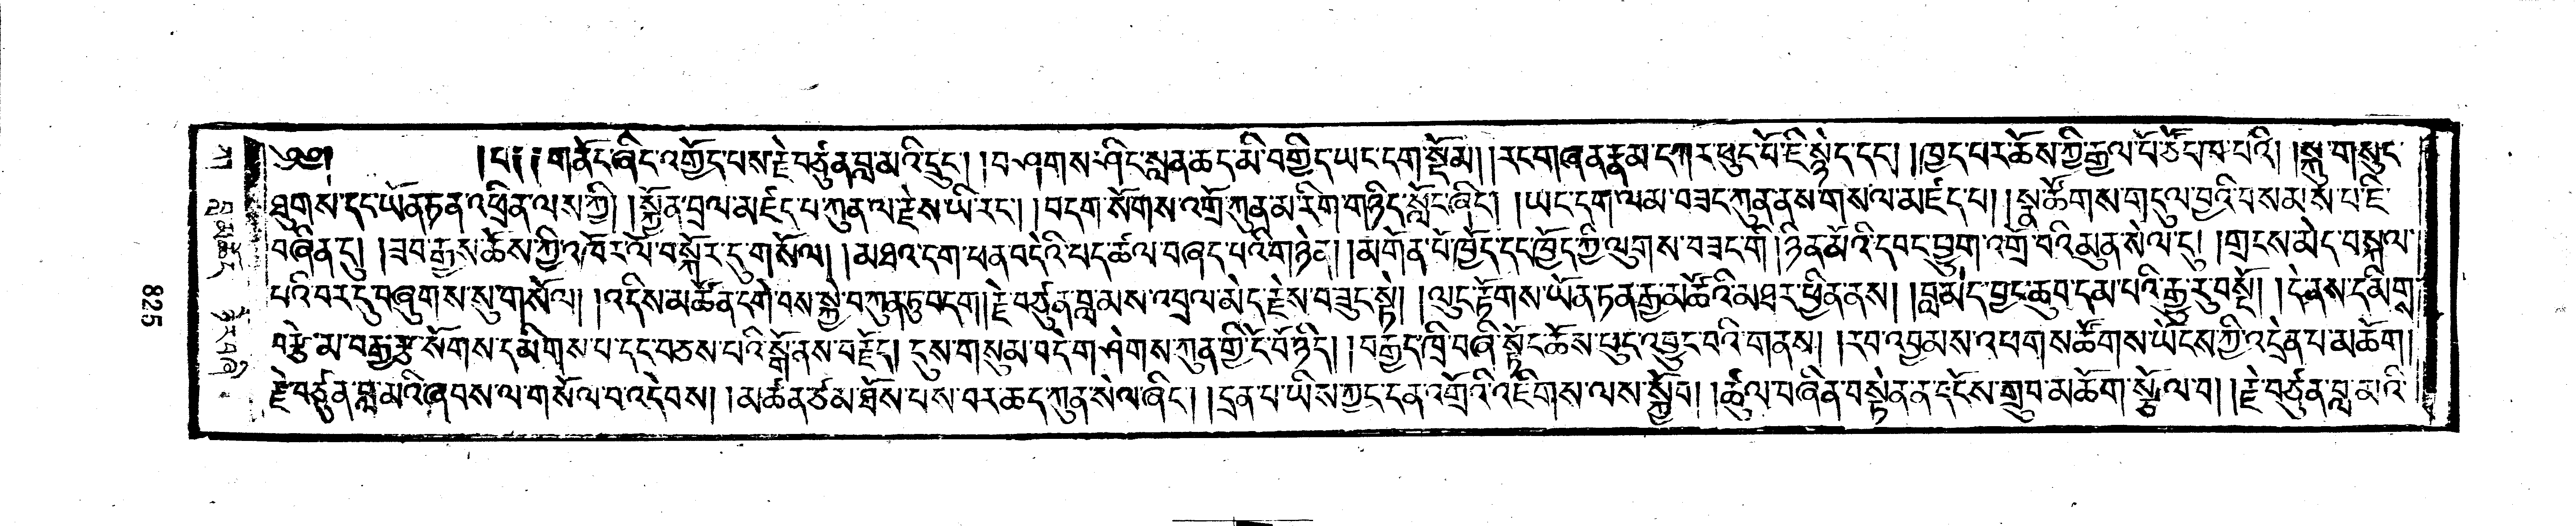༄༅། །པ༑ ༑གནོང་ཞིང་འགྱོད་པས་རྗེ་བཙུན་བླ་མའི་དྲུང་། །བཤགས་ཤིང་སླན་ཆད་མི་བགྱིད་ཡང་དག་སྡོམ། །རང་གཞན་རྣམ་དཀར་ཕུང་པོ་ཇི་སྙེད་དང་། །ཁྱད་པར་ཆོས་ཀྱི་རྒྱལ་པོ་ཙོང་ཁ་པའི། །སྐུ་གསུང་
ཐུགས་དང་ཡོན་ཏན་འཕྲིན་ལས་ཀྱི། །སྐྱོན་བྲལ་མཛད་པ་ཀུན་ལ་རྗེས་ཡི་རང་། །བདག་སོགས་འགྲོ་ཀུན་མ་རིག་གཉིད་སློང་ཞིང་། །ཡང་དག་ལམ་བཟང་ཀུན་ནས་གསལ་མཛད་པ། །སྣ་ཚོགས་གདུལ་བྱའི་བསམས་པ་ཇི་
བཞིན་དུ། །ཟབ་རྒྱས་ཆོས་ཀྱི་འཁོར་ལོ་བསྐོར་དུ་གསོལ། །མཐའ་དག་ཕན་བདེའི་པད་ཚལ་བཞད་པའི་གཉེན། །མགོན་པོ་ཁྱོད་དང་ཁྱོད་ཀྱི་ལུགས་བཟང་གི །ཉིན་མོའི་དབང་ཕྱུག་འགྲོ་བའི་མུན་སེལ་དུ། །གྲངས་མེད་བསྐལ་
པའི་བར་དུ་བཞུགས་སུ་གསོལ། །འདིས་མཚོན་དགེ་བས་སྐྱེ་བ་ཀུན་ཏུ་བདག །རྗེ་བཙུན་བླ་མས་འབྲལ་མེད་རྗེས་བཟུང་སྟེ། །ལུང་རྟོགས་ཡོན་ཏན་རྒྱ་མཚོའི་མཐར་ཕྱིན་ནས། །བླ་མེད་བྱང་ཆུབ་དམ་པའི་རྒྱུ་རུ་བསྔོ། །དེ་ནས་དམིགས་
བརྩེ་མ་བརྒྱ་རྩ་སོགས་དམིགས་པ་དང་བཅས་པའི་སྒོ་ནས་བརྗོད། དུས་གསུམ་བདེ་གཤེགས་ཀུན་གྱི་ངོ་བོ་ཉིད། །བརྒྱད་ཁྲི་བཞི་སྟོང་ཆོས་ཕུང་འབྱུང་བའི་གནས། །རབ་འབྱམས་འཕགས་ཚོགས་ཡོངས་ཀྱི་འདྲེན་པ་མཆོག །
རྗེ་བཙུན་བླ་མའི་ཞབས་ལ་གསོལ་བ་འདེབས། །མཚན་ཙམ་ཐོས་པས་བར་ཆད་ཀུན་སེལ་ཞིང་། །དྲན་པ་ཡིས་ཀྱང་ངན་འགྲོའི་འཇིགས་ལས་སྐྱོབ། །ཚུལ་བཞིན་བསྟེན་ན་དངོས་གྲུབ་མཆོག་སྩོལ་བ། །རྗེ་བཙུན་བླ་མའི་